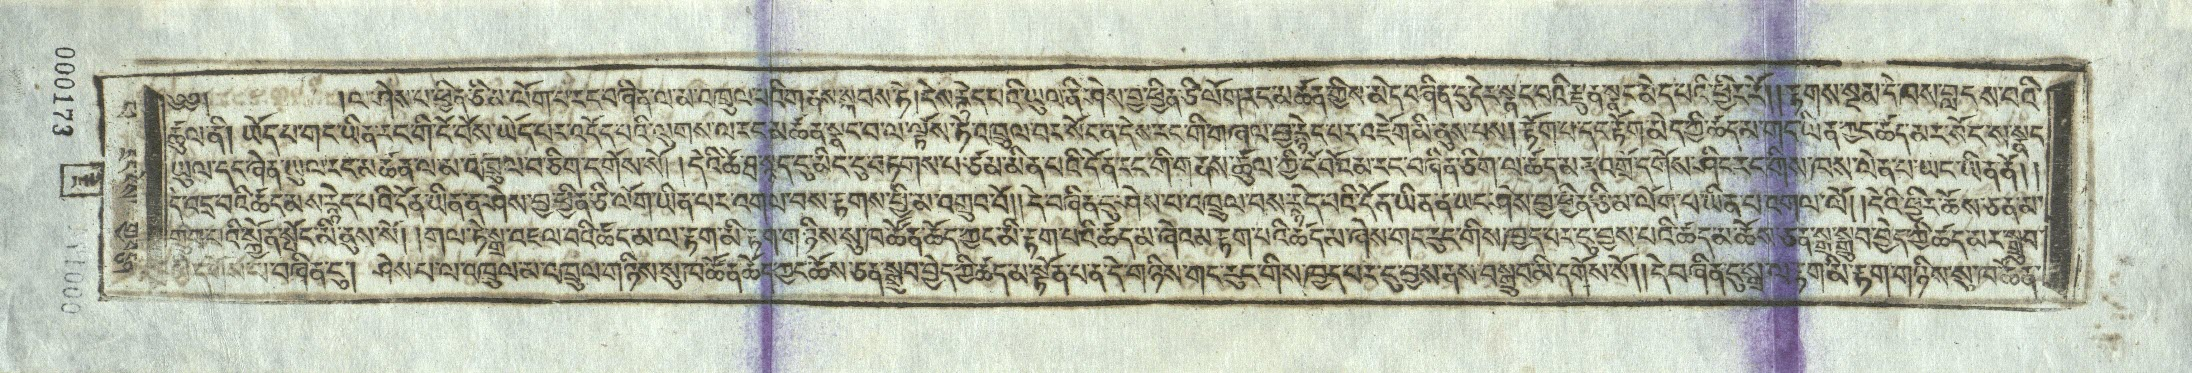༄༅། །ལ་ཤེས་པ་ཕྱིན་ཅི་མ་ལོག་པ་རང་བཞིན་ལ་མ་འཁྲུལ་བའི་གནས་སྐབས་ཏེ། དེས་རྙེད་པའི་ཡུལ་ནི་ཤེས་བྱ་ཕྱིན་ཅི་ལོག་རང་མཚན་གྱིས་མེད་བཞིན་དུ་དེར་སྣང་བའི་རྫུན་སྣང་མེད་པའི་ཕྱིར་རོ། །རྟགས་སྔ་མ་དེ་ཁས་བླངས་པའི་
ཚུལ་ནི། ཡོད་པ་གང་ཡིན་རང་གི་ངོ་བོས་ཡོད་པར་འདོད་པའི་ལུགས་ལ་རང་མཚན་སྣང་བ་ལ་ལྟོས་ཏེ་འཁྲུལ་པར་སོང་ན་དེས་རང་གི་གཞལ་བྱ་རྙེད་པར་འཇོག་མི་ནུས་པས། རྟོག་པ་དང་རྟོག་མེད་ཀྱི་ཚད་མ་གང་ཡིན་ཀྱང་ཚད་མར་སོང་ས་སྣང་
ཡུལ་དང་ཞེན་ཡུལ་རང་མཚན་ལ་མ་འཁྲུལ་བ་ཅིག་དགོས་སོ། །དེའི་ཚེ་ཐ་སྙད་དུ་མིང་དུ་བཏགས་པ་ཙམ་མིན་པའི་དོན་རང་གི་གནས་ཚུལ་ཀྱི་ངོ་བོའམ་རང་བཞིན་ཅིག་ལ་ཚད་མར་འགྲོ་དགོས་ཤིང་རང་གིས་ཁས་ལེན་པ་ཡང་ཡིན་ནོ། །
དེ་འདྲ་བའི་ཚད་མས་རྙེད་པའི་དོན་ཡིན་ན་ཤེས་བྱ་ཕྱིན་ཅི་ལོག་ཡིན་པར་འགལ་བས་རྟགས་ཕྱི་མ་འགྲུབ་བོ། །དེ་བཞིན་དུ་ཤེས་པ་འཁྲུལ་པས་རྙེད་པའི་དོན་ཡིན་ན་ཡང་ཤེས་བྱ་ཕྱིན་ཅི་མ་ལོག་པ་ཡིན་པ་འགལ་ལོ། །དེའི་ཕྱིར་ཆོས་ཅན་མ་
གྲུབ་པའི་སྐྱོན་སྤོང་མི་ནུས་སོ། །གལ་ཏེ་སྒྲ་འཇལ་བའི་ཚད་མ་ལ་རྟག་མི་རྟག་གཉིས་སུ་ཁ་ཚོན་ཆོད་ཀྱང་མི་རྟག་པའི་ཚད་མ་ཞེའམ་རྟག་པའི་ཚད་མ་ཞེས་གང་རུང་གིས་ཁྱད་པར་དུ་བྱས་པའི་ཚད་མ་ཆོས་ཅན་སྒྲ་སྒྲུབ་བྱེད་ཀྱི་ཚད་མར་སྒྲུབ་
མི་དགོས་པ་བཞིན་དུ། ཤེས་པ་ལ་འཁྲུལ་མ་འཁྲུལ་གཉིས་སུ་ཁ་ཚོན་ཆོད་ཀྱང་ཆོས་ཅན་སྒྲུབ་བྱེད་ཀྱི་ཚད་མ་སྟོན་པ་ན་དེ་གཉིས་གང་རུང་གིས་ཁྱད་པར་དུ་བྱས་ནས་བསྒྲུབ་མི་དགོས་སོ། །དེ་བཞིན་དུ་སྒྲ་ལ་རྟག་མི་རྟག་གཉིས་སུ་ཁ་ཚོན་